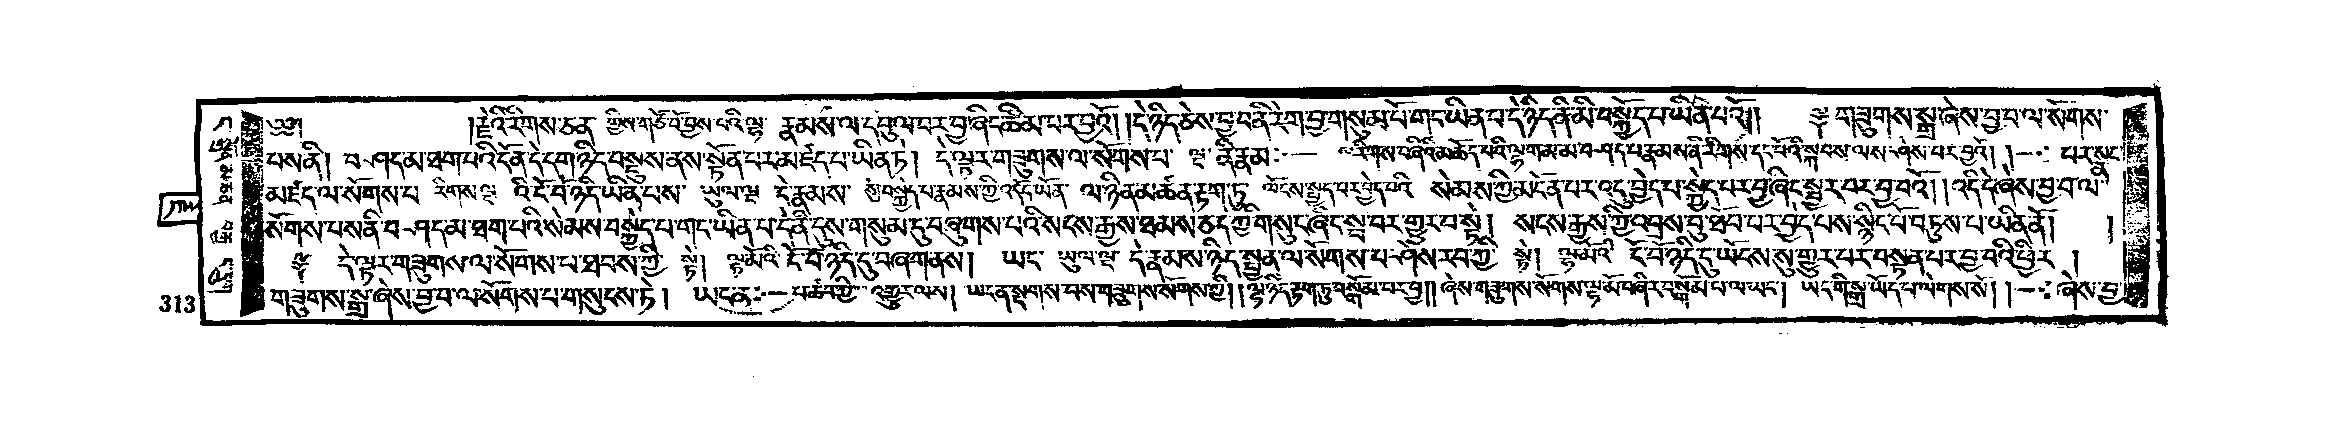༄༅། །རྗེའི་རིགས་ཅན་གྱིས་གཙོ་བོ་བྱས་པའི་ལྷ་རྣམས་ལ་དབུལ་བར་བྱ་ཞིང་ཚིམ་པར་བྱའོ། །དེ་ཉིད་ཅེས་བྱ་བ་ནི་རེག་བྱ་གསུམ་པོ་གང་ཡིན་པ་དེ་ཉིད་ནི་མི་བསྐྱོད་པ་ཡིན་པའོ།། ༈ གཟུགས་སྒྲ་ཞེས་བྱ་བ་ལ་སོགས་
པས་ནི། བཤད་མ་ཐག་པའི་དོན་དེ་དག་ཉིད་བསྡུས་ནས་སྟོན་པར་མཛད་པ་ཡིན་ཏེ། དེ་ལྟར་གཟུགས་ལ་སོགས་པ་ལྔ་ནི་རྣམ་H.་༧་རིགས་བཞིའི་མཆོད་པའི་ལྷག་མ་མ་བཤད་པ་རྣམས་ནི་རིགས་དང་པོའི་སྐབས་ལས་ཤེས་པར་བྱའོ།།  .H པར་སྣང་
མཛད་ལ་སོགས་པ་རིགས་ལྔའི་ངོ་བོ་ཉིད་ཡིན་པས་ཡུལ་ལྔ་དེ་རྣམས་སུ་བསྐྱེད་པ་རྣམས་ཀྱི་འདོད་ཡོན་ལ་ཉིན་མཚན་རྟག་ཏུ་ལོངས་སྤྱད་པར་བྱེད་པའི་སེམས་ཀྱི་མངོན་པར་འདུ་བྱེད་པ་སྐྱེད་པར་བྱ་ཞིང་སྦྱར་བར་བྱ་བའོ། །འདི་དེ་ཞེས་བྱ་བ་ལ་
སོགས་པས་ནི་བཤད་མ་ཐག་པའི་སེམས་བསྐྱེད་པ་གང་ཡིན་པ་དེ་ནི་དུས་གསུམ་དུ་བཞུགས་པའི་སངས་རྒྱས་ཐམས་ཅད་ཀྱི་གསུང་ཞིང་སྦ་བར་གྱུར་བ་སྟེ། སངས་རྒྱས་ཀྱི་འབྲས་བུ་ཐོབ་པར་བྱེད་པས་སྙིང་པོ་བཏུས་པ་ཡིན་ནོ། །
༈ དེ་ལྟར་གཟུགས་ལ་སོགས་པ་ཐབས་ཀྱི་སྟེ། ལྷ་མོའི་ངོ་བོ་ཉིད་དུ་བཞག་ནས། ཡང་ཡུལ་ལྔ་དེ་རྣམས་ཉིད་སྤྱན་ལ་སོགས་པ་ཤེས་རབ་ཀྱི་སྟེ། ལྷ་མོའི་ངོ་བོ་ཉིད་དུ་ཡོངས་སུ་གྱུར་པར་བསྟན་པར་བྱ་བའི་ཕྱིར།
གཟུགས་སྒྲ་ཞེས་བྱ་བ་ལ་སོགས་པ་གསུངས་ཏེ། ཡང་ན་H.་པ་ཚབ་ཀྱི་འགྱུར་ལས། ཡང་ན་སྔགས་པས་གཟུགས་སོགས་ཀྱི། །ལྷ་ཉིད་རྟག་ཏུ་བསྒོམ་པར་བྱ། །ཞེས་གཟུགས་སོགས་ལྷ་མོ་བཞིར་བསྒོམ་པ་ལ་ཡང་། ཡང་གི་སྒྲ་ཡོད་པ་ལེགས་སོ། །  .H ཞེས་བྱ་